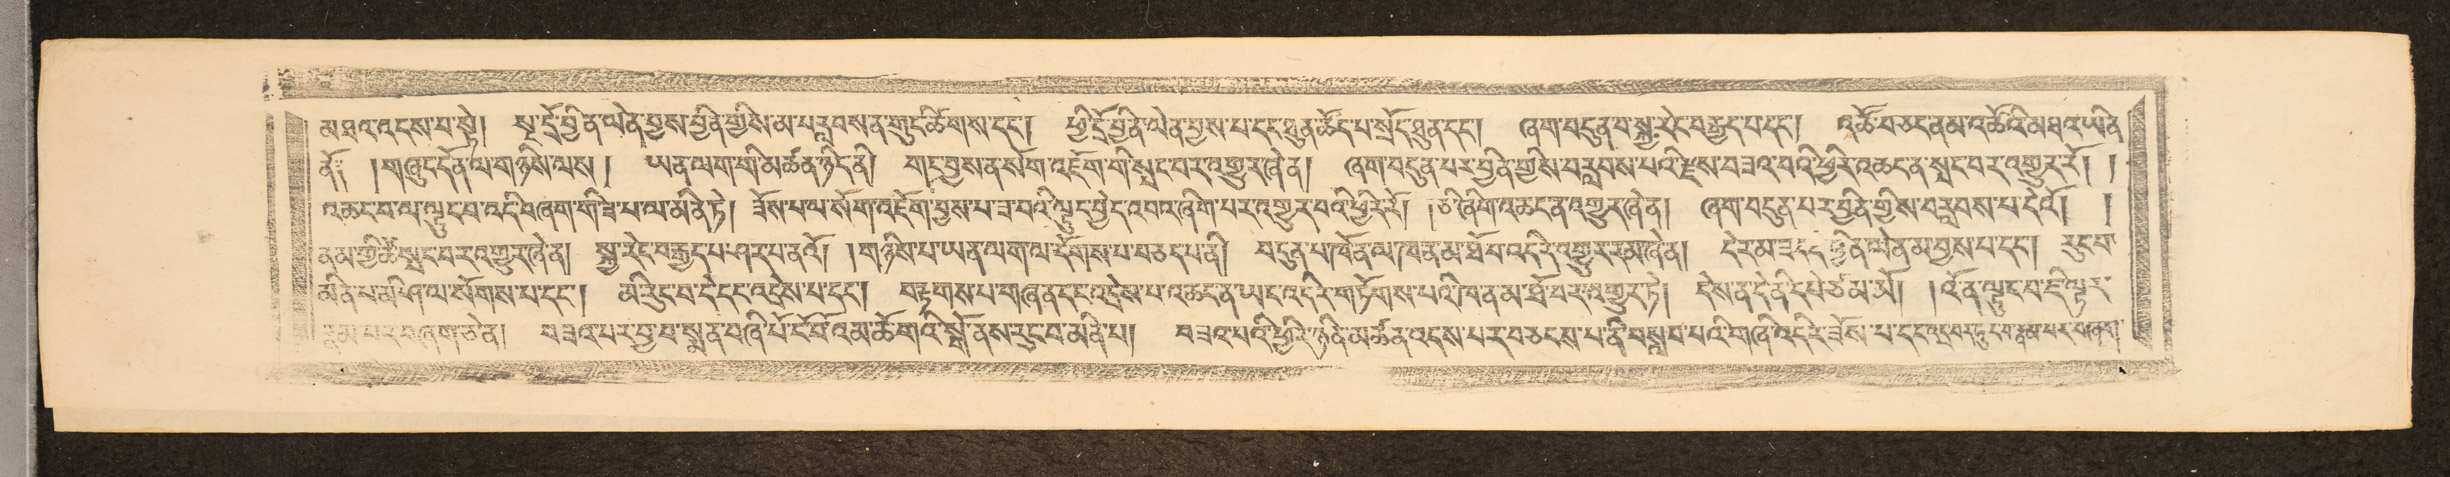མཐའ་འདས་བ་སྟེ། སྔ་དྲོ་བྱིན་ལེན་བྱས་བྱིན་གྱིས་མ་བརླབས་ན་གུང་ཚིགས་དང་། ཕྱི་དྲོ་བྱིན་ལེན་བྱས་པ་དང་ཐུན་ཚོད་པ་སྲོད་ཐུན་དང་། ཞག་བདུན་པ་སྐྱ་རེང་བརྒྱད་པ་དང་། འཚོ་བཅང་ནམ་འཚོའི་མཐའ་ཡིན་
ནོ༑ །གཞུང་དོན་ལ་གཉིས་ལས། ཡན་ལག་གི་མཚན་ཉིད་ནི། གང་བྱས་ན་སོག་འཇོག་གི་སྤང་བར་འགྱུར་ཞེ་ན། ཞག་བདུན་པར་བྱིན་གྱིས་བརླབས་པའི་རྫས་བཟའ་བའི་ཕྱིར་འཆང་ན་སྤང་པར་འགྱུར་རོ། །
འཆང་བ་ལ་ལྟུང་བ་འདི་བཞག་གི་ཟ་བ་ལ་མིན་ཏེ། ཟོས་པ་ལ་སོག་འཇོག་བྱས་པ་ཟ་བའི་ལྟུང་བྱེད་འབའ་ཞིག་པར་འགྱུར་བའི་ཕྱིར་རོ། །ཅི་ཞིག་འཆང་ན་འགྱུར་ཞེ་ན། ཞག་བདུན་བར་བྱིན་གྱིས་བརླབས་པ་དེའོ། །
ནམ་གྱི་ཚེ་སྤང་པར་འགྱུར་ཞེ་ན། སྐྱ་རེང་བརྒྱད་པ་ཤར་བ་ནའོ། །གཉིས་པ་ཡན་ལག་ལ་དོགས་པ་བཅད་པ་ནི། བདུན་པ་ཁོན་ལ་ཁ་ན་མ་ཐོ་བ་འདིར་འགྱུར་རམ་ཞེ་ན། དེར་མ་ཟད་དེ་བྱིན་ལེན་མ་བྱས་པ་དང་། རུང་བ་
མིན་པ་མི་ཤ་ལ་སོགས་པ་དང་། མི་རུང་བ་དེ་དང་འདྲེས་པ་དང་། བརྟགས་པ་གཞན་དང་འདྲེས་པ་འཆད་ན་ཡང་འདིར་གཏོགས་པའི་ཁ་ན་མ་ཐོ་བར་འགྱུར་ཏེ། དེས་ན་དེ་ནི་དཔེ་ཙམ་མོ། །འོ་ན་ལྟུང་བ་ཇི་ལྟར་
རྣམ་པར་བཞག་ཅེ་ན། བཟའ་བར་བྱ་བ་སྨན་བཞི་པོ་ངོ་བོ་འམ་ཆོ་གའི་སྒོ་ནས་རུང་བ་མིན་པ། བཟའ་བའི་ཕྱིར་ཉིན་མཚན་འདས་པར་བཅངས་པ་ནི་བསླབ་པའི་གཞི་འདིར་ཟོས་པ་དང་འདྲ་བར་ལྟུང་བ་རྣམ་པར་བཞག་